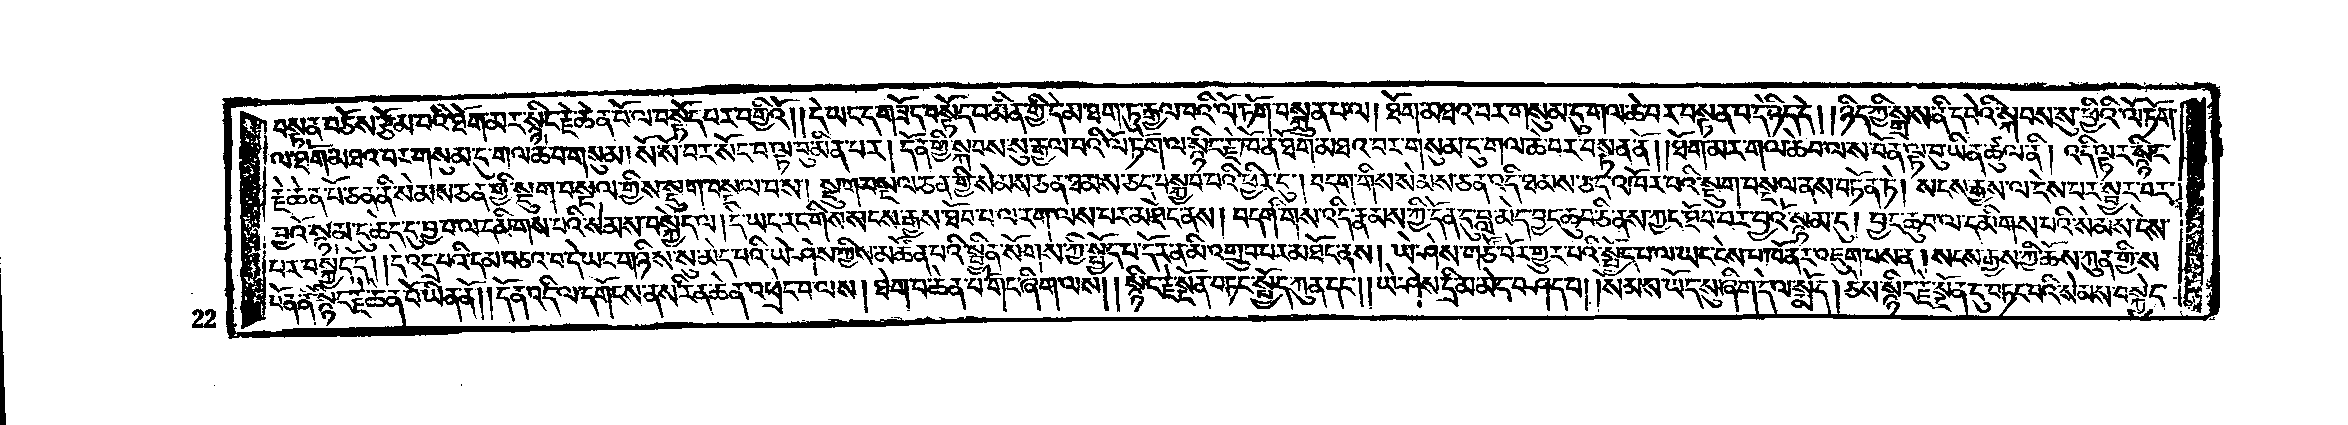བསྟན་བཅོས་རྩོམ་བའི་ཐོག་མར་སྙིང་རྗེ་ཆེན་པོ་ལ་བསྟོད་པར་བགྱིའོ། །དེ་ཡང་ད་གཟོད་བསྟོད་པ་མིན་གྱི་དེ་མ་ཐག་ཏུ་རྒྱལ་བའི་ལོ་ཏོག་བསྐྲུན་པ་ལ། ཐོག་མཐའ་བར་གསུམ་དུ་གལ་ཆེ་བར་བསྟན་པ་དེ་ཉིད་དེ། །ཉིད་ཀྱི་སྒྲས་ནི་དཔེའི་སྐབས་སུ་ཕྱིའི་ལོ་ཏོག་
ལ་ཐོག་མཐའ་བར་གསུམ་དུ་གལ་ཆེ་བ་གསུམ། སོ་སོ་བར་སོང་བ་ལྟ་བུ་མིན་པར། དོན་གྱི་སྐབས་སུ་རྒྱལ་བའི་ལོ་ཏོག་ལ་སྙིང་རྗེ་ཁོ་ན་ཐོག་མཐའ་བར་གསུམ་དུ་གལ་ཆེ་བར་བསྟན་ནོ། །ཐོག་མར་གལ་ཆེ་བ་ལ་ས་བོན་ལྟ་བུ་ཡིན་ཚུལ་ནི། འདི་ལྟར་སྙིང་
རྗེ་ཆེན་པོ་ཅན་ནི་སེམས་ཅན་གྱི་སྡུག་བསྔལ་གྱིས་སྡུག་བསྔལ་བས། སྡུག་བསྔལ་ཅན་གྱི་སེམས་ཅན་ཐམས་ཅད་བསྐྱབ་པའི་ཕྱིར་དུ། བདག་གིས་སེམས་ཅན་འདི་ཐམས་ཅད་འཁོར་བའི་སྡུག་བསྔལ་ནས་བཏོན་ཏེ། སངས་རྒྱས་ལ་ངེས་པར་སྦྱར་བར་
བྱའོ་སྙམ་དུ་ཆེད་དུ་བྱ་བ་ལ་དམིགས་པའི་སེམས་བསྐྱེད་ལ། དེ་ཡང་རང་གིས་སངས་རྒྱས་ཐོབ་པ་ལ་རག་ལས་པར་མཐོང་ནས། བདག་གིས་འདི་རྣམས་ཀྱི་དོན་དུ་བླ་མེད་བྱང་ཆུབ་ཅི་ནས་ཀྱང་ཐོབ་པར་བྱའོ་སྙམ་དུ། བྱང་ཆུབ་ལ་དམིགས་པའི་སེམས་ངེས་
པར་བསྐྱེད་དོ། །དེ་འདྲ་པའི་དམ་བཅའ་བ་དེ་ཡང་གཉིས་སུ་མེད་པའི་ཡེ་ཤེས་ཀྱིས་མཚོན་པའི་སྦྱིན་སོགས་ཀྱི་སྤྱོད་པ་དོར་ན་མི་འགྲུབ་པར་མཐོང་ནས། ཡེ་ཤེས་གཙོ་བོར་གྱུར་པའི་སྤྱོད་པ་ལ་ཡང་ངེས་པ་ཁོ་ནར་འཇུག་པས་ན། སངས་རྒྱས་ཀྱི་ཆོས་ཀུན་གྱི་ས་
བོན་ནི་སྙིང་རྗེ་ཆེན་པོ་ཡིན་ནོ། །དོན་འདི་ལ་དགོངས་ནས་རིན་ཆེན་འཕྲེང་བ་ལས། ཐེག་པ་ཆེན་པོ་གང་ཞིག་ལས། །སྙིང་རྗེ་སྔོན་བཏང་སྤྱོད་ཀུན་དང་། །ཡེ་ཤེས་དྲི་མ་མེད་བཤད་པ། །སེམས་ཡོད་སུ་ཞིག་དེ་ལ་སྨོད། ཅེས་སྙིང་རྗེ་སྔོན་དུ་བཏང་